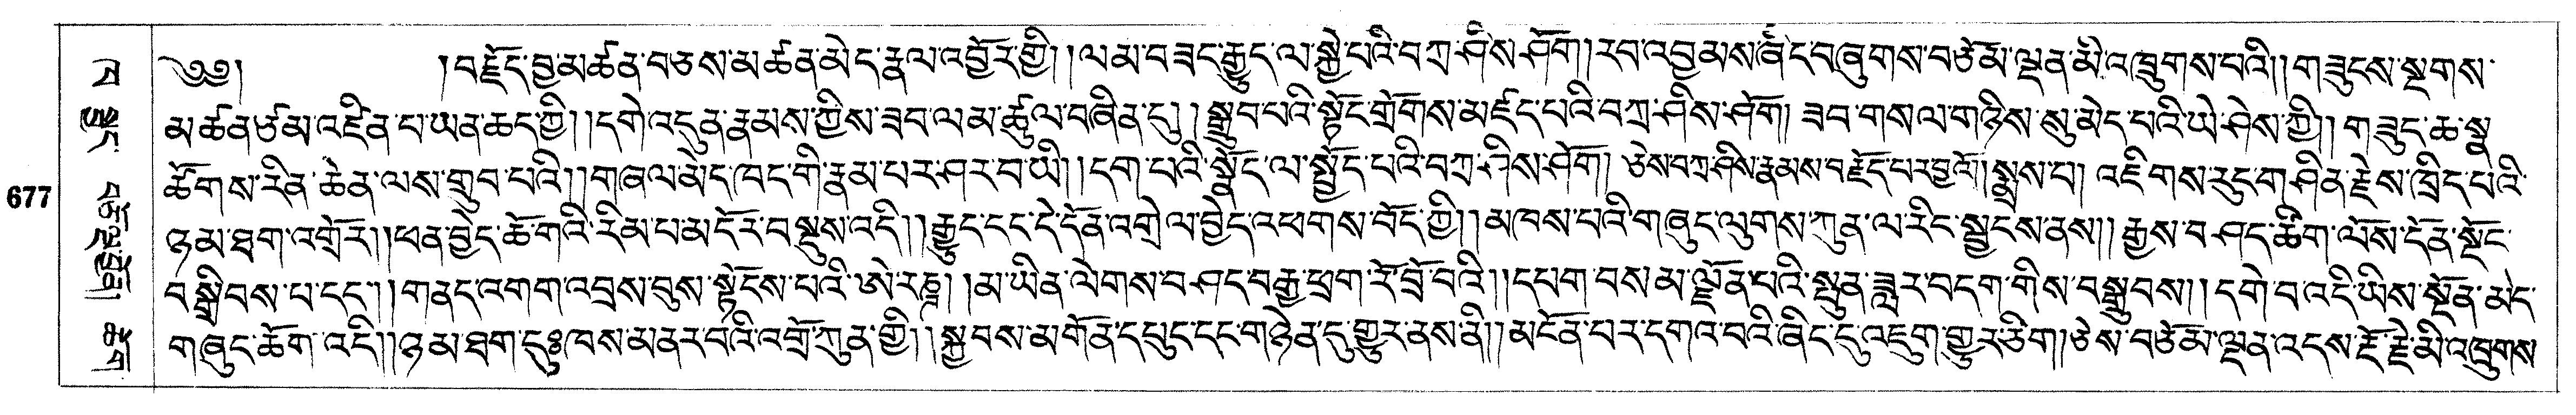༄༅། །བརྗོད་བྱ་མཚན་བཅས་མཚན་མེད་རྣལ་འབྱོར་གྱི། །ལམ་བཟང་རྒྱུད་ལ་སྐྱེ་པའི་བཀྲ་ཤིས་ཤོག །རབ་འབྱམས་ཞིང་བཞུགས་བཅོམ་ལྡན་མི་འཁྲུགས་པའི། །གཟུངས་སྔགས་
མཚན་ཙམ་འཛིན་པ་ཡན་ཆད་ཀྱི། །དགེ་འདུན་རྣམས་ཀྱིས་ཟབ་ལམ་ཚུལ་བཞིན་དུ། །སྒྲུབ་པའི་སྟོང་གྲོགས་མཛད་པའི་བཀྲ་ཤིས་ཤོག། ཟབ་གསལ་གཉིས་སུ་མེད་པའི་ཡེ་ཤེས་ཀྱི། །གཟུང་ཆ་སྣ་
ཚོགས་རིན་ཆེན་ལས་གྲུབ་པའི། །གཞལ་མེད་ཁང་གི་རྣམ་པར་ཤར་བ་ཡི། །དག་པའི་སྣོད་ལ་སྤྱོད་པའི་བཀྲ་ཤིས་ཤོག །ཅེས་བཀྲ་ཤིས་རྣམས་བརྗོད་པར་བྱའོ། སྨྲས་པ་འཇིགས་རུང་གཤིན་རྗེས་ཁྲིད་པའི་
ཉམ་ཐག་འགྲོར། །ཕན་བྱེད་ཆོ་གའི་རིམ་པ་མདོར་བསྡུས་འདི། །རྒྱུད་དང་དེ་དོན་འགྲེལ་བྱེད་འཕགས་བོད་ཀྱི། །མཁས་པའི་གཞུང་ལུགས་ཀུན་ལ་རིང་སྦྱངས་ནས། །རྒྱས་བཤད་ཚིག་ལོས་དོན་སྡོང་
བསྒྲིབས་པ་དང་། གནད་འགག་འབྲས་བུས་སྟོངས་པའི་ཨེརྞྜ། །མ་ཡིན་ལེགས་བཤད་བརྒྱ་ཕྲག་རོ་བྲོ་བའི། །དཔག་བསམ་ལྗོན་པའི་སྤུན་ཟླར་བདག་གིས་བསྒྲུབས། །དགེ་བ་འདི་ཡིས་སྔོན་མེད་
གཞུང་ཆོག་འདི། །ཉམ་ཐག་དུཿ ཁས་མནར་བའི་འགྲོ་ཀུན་གྱི། །སྐྱབས་མགོན་དཔུང་དང་གཉེན་དུ་གྱུར་ནས་ནི། །མངོན་པར་དགའ་བའི་ཞིང་དུ་འཇུག་གྱུར་ཅིག །ཅེས་བཅོམ་ལྡན་འདས་རྡོ་རྗེ་མི་འཁྲུགས་